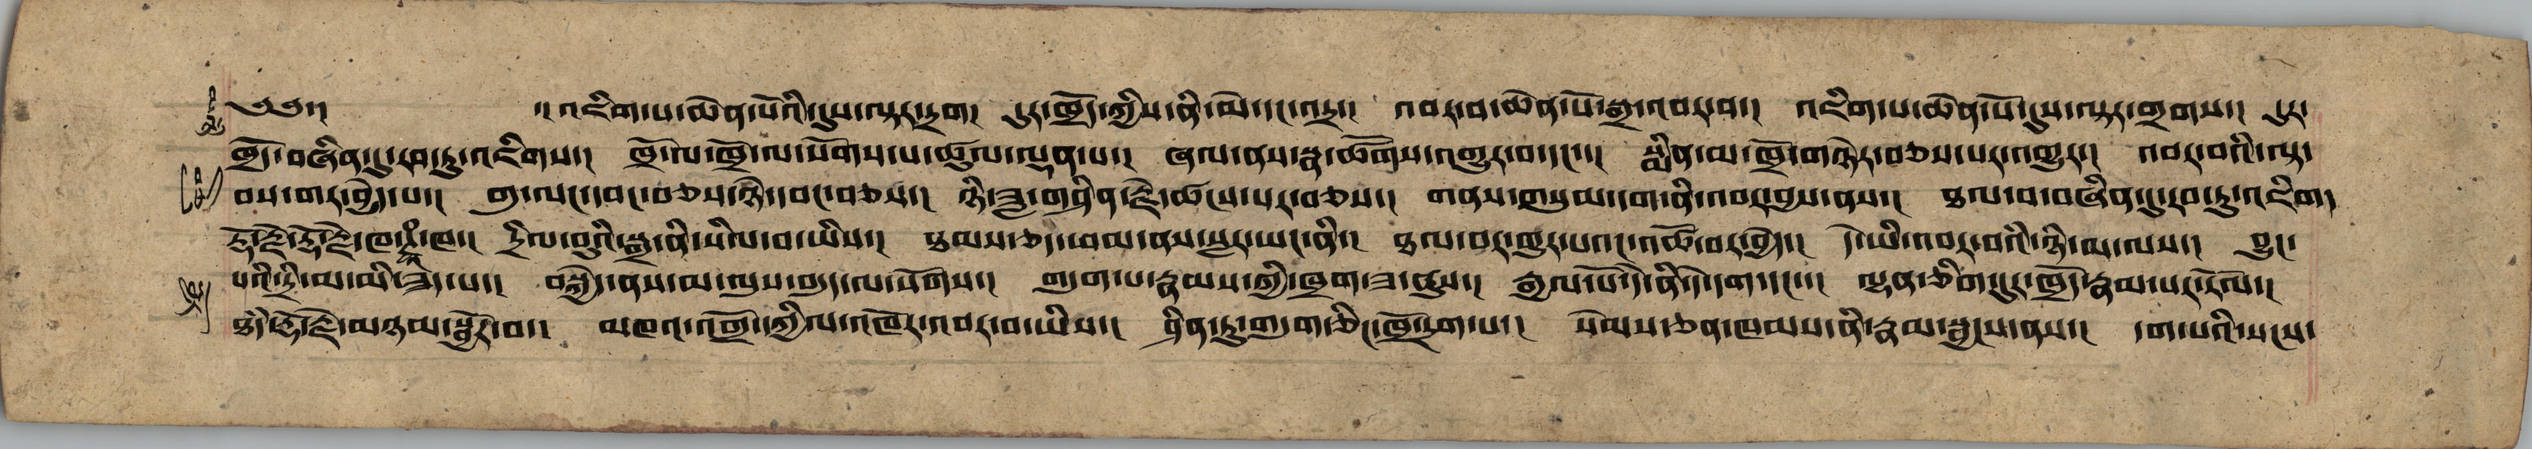༄༅་། ་། འཇིག་པ་ཆེན་པོའི་དུས་ལྟར་དྲག། དུར་ཁྲོད་ཀྱིས་ནི་མེ་དང་འདྲ་། འབར་བ་ཆེན་པོ་སྒྲ་འབར་བ་། འཇིག་པ་ཆེན་པོ་དུས་ལྟར་གྲགས་། དུར་
ཁྲོད་བཞིན་དུ་རབ་ཏུ་འཇིགས་། ཁྲོ་ལ་ཁྲོ་ལ་སོགས་པ་ཚུལ་ལྡན་པ་། ཞལ་ནས་སྣ་ཚོགས་འགྱུར་བ་དང་་། སྨིན་མ་ཁྲོ་གཉེར་བཅས་པར་འགྱུར་། འབར་བའི་ལྟ་
བས་གར་བྱེད་པ་། གུ་ལང་དབང་བཅས་ཉཾ་དབང་བཅས་། ཉི་ཟླ་གཤིན་རྗེ་ཚངས་པར་བཅས་། གནས་གསུམ་དག་ནི་འབར་བྱས་ནས་། ཐལ་བ་བཞིན་དུ་རབ་ཏུ་འཇིག།
རྡོ་རྗེ་རྡོ་རྗེ་ཁ་ཊྭཱཾ་ཁ་། དྲིལ་བུའི་སྒྲ་ནི་སིལ་བ་ཡིས་། ཐམས་ཅད་ཕམ་ནས་སླར་ཡང་ནི་། ཐལ་བར་གྱུར་པའང་འཚོ་བར་བྱེད་། དེ་ཡི་འབར་བའི་ཉི་མ་ལས་། བྱུང་
པའི་དྲི་མ་མི་ཟེད་པ་། བསྐྱེད་ནས་མ་ལུས་བདུད་ལ་སོགས་། གདུག་པ་རྣམས་ཀྱི་ཁྲག་ཟ་ནུས་། རྒྱལ་པོ་དེ་ནི་དེ་དག་དང་་། ལྷན་ཅིག་དུར་ཁྲོད་རྣམ་པར་རོལ་།
ཐཾད་རྡོ་རྗེ་མཉམ་སྦྱོར་བ་། མཁའ་འགྲོ་དཀྱིལ་འཁོར་འབར་བ་ཡིས་། ཤིན་ཏུ་གདུག་ཅིང་ཁྲོ་དྲག་པ་། སེམས་ཅན་ཁམས་ནི་རྣམ་སྦྱངས་ནས་། དག་པའི་སངས་